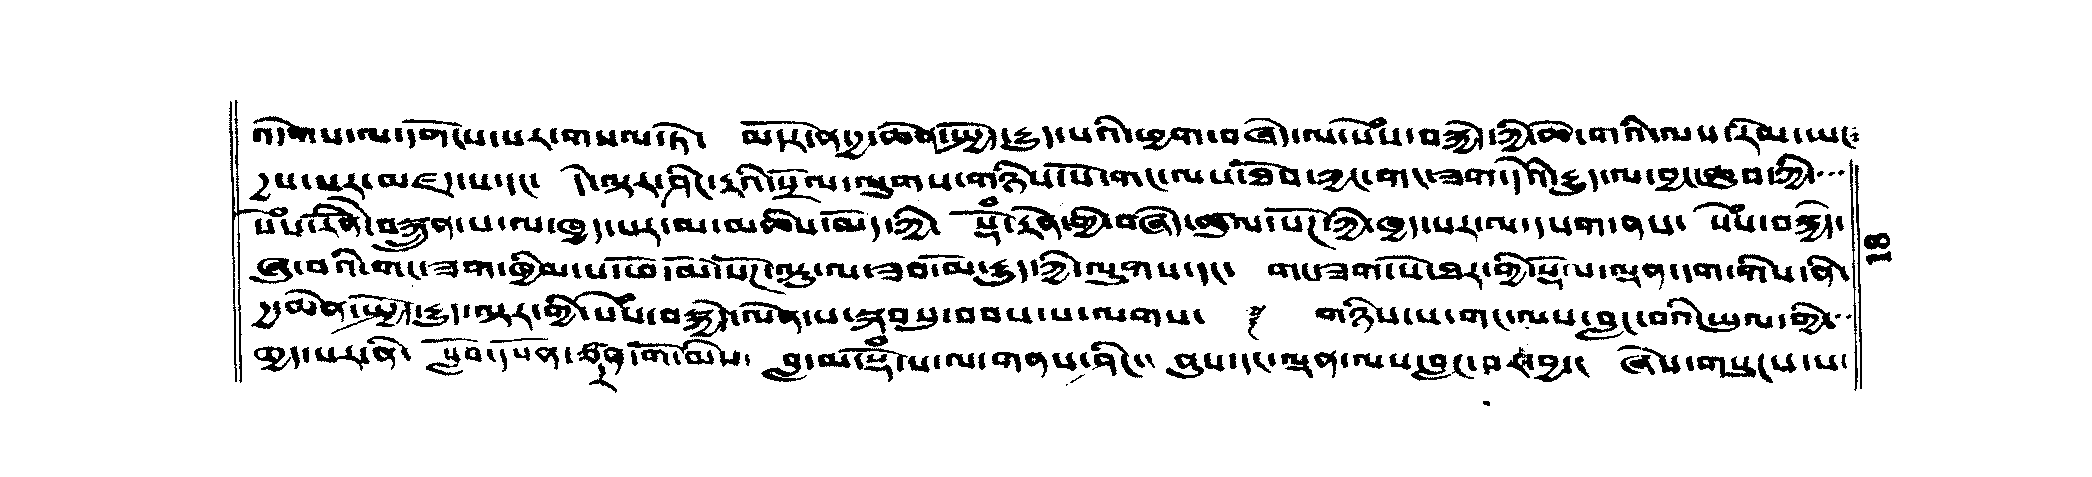འདེབས་ལ་དགོངས་པར་གསལ་ཏེ། མདོར་ན་རྒྱ་ཆེན་སྤྱོད་རྒྱུད་པའི་ཕྱག་བཞེད་ལ་སེམས་བསྐྱེད་ཀྱི་ཆེ་གའི་ལས་རིམ་ཡང་
རྒྱས་པར་མཛད་པ་དང་། དེ་ལྟར་ཤིང་རྟའི་སྲོལ་ལུགས་གཉིས་པོ་གང་ལས་ཐོབ་ཀྱང་གང་ཟག་དེའི་རྒྱུད་ལ་བྱང་ཆུབ་ཀྱི་
སེམས་རིན་པོ་ཆེ་བསྐྲུན་པ་ལ་ཁྱད་པར་མ་མཆིས་མོད་ཀྱི།སྡོམ་རྟེན་གྱི་བཞེད་ཚུལ་སོགས་ཀྱི་ཁྱད་པར་ལ་དཔག་ནས། སེམས་བསྐྱེད་
ཞུ་བའི་གང་ཟག་ཁྱིམ་པ་ཕོ་མོ་སོགས་ལྟ་བུ་ལ་ཟབ་མོ་རྒྱུད་ཀྱི་ལུགས་དང་། གང་ཟག་སོ་ཐར་གྱི་སྡོམ་ལྡན་དག་གིས་ནི་
རྒྱ་ཆེན་སྤྱོད་རྒྱུད་ལྟར་གྱི་སེམས་བསྐྱེད་ལེན་པ་སྐབས་སུ་བབས་པ་ལགས། ༈ གཉིས་པ་གང་ལས་བླང་བའི་ཡུལ་གྱི་
ཁྱད་པར་ནི། སློབ་དཔོན་ཙནྡྲ་གོ་མིས། བླ་མ་སྡོམ་པ་ལ་གནས་ཤིང་། ནུས་དང་ལྡན་ལས་བླང་བར་བྱ། ཞེས་གསུངས་པ་